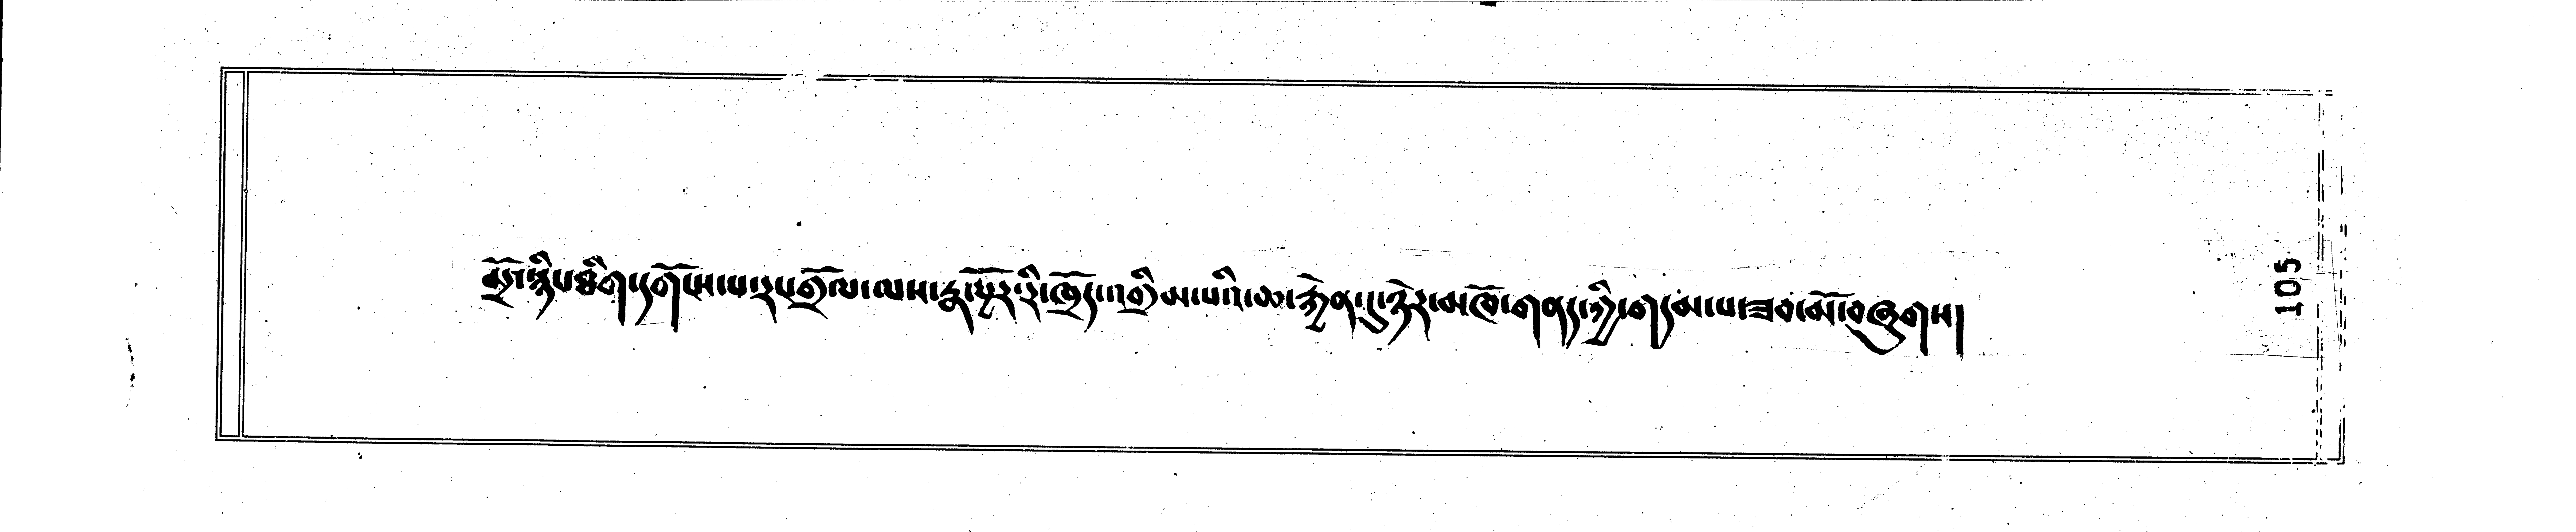མཁའ་འགྲོ་སྙིང་ཐིག་དགོངས་པ་རང་གྲོལ་ལས། རྣལ་འབྱོར་རི་ཁྲོད་འགྲིམས་པའི་ཆ་རྐྱེན་དུ་ཉེར་མཁོ་གནད་ཀྱི་གདམས་པ་བཞུགས།།